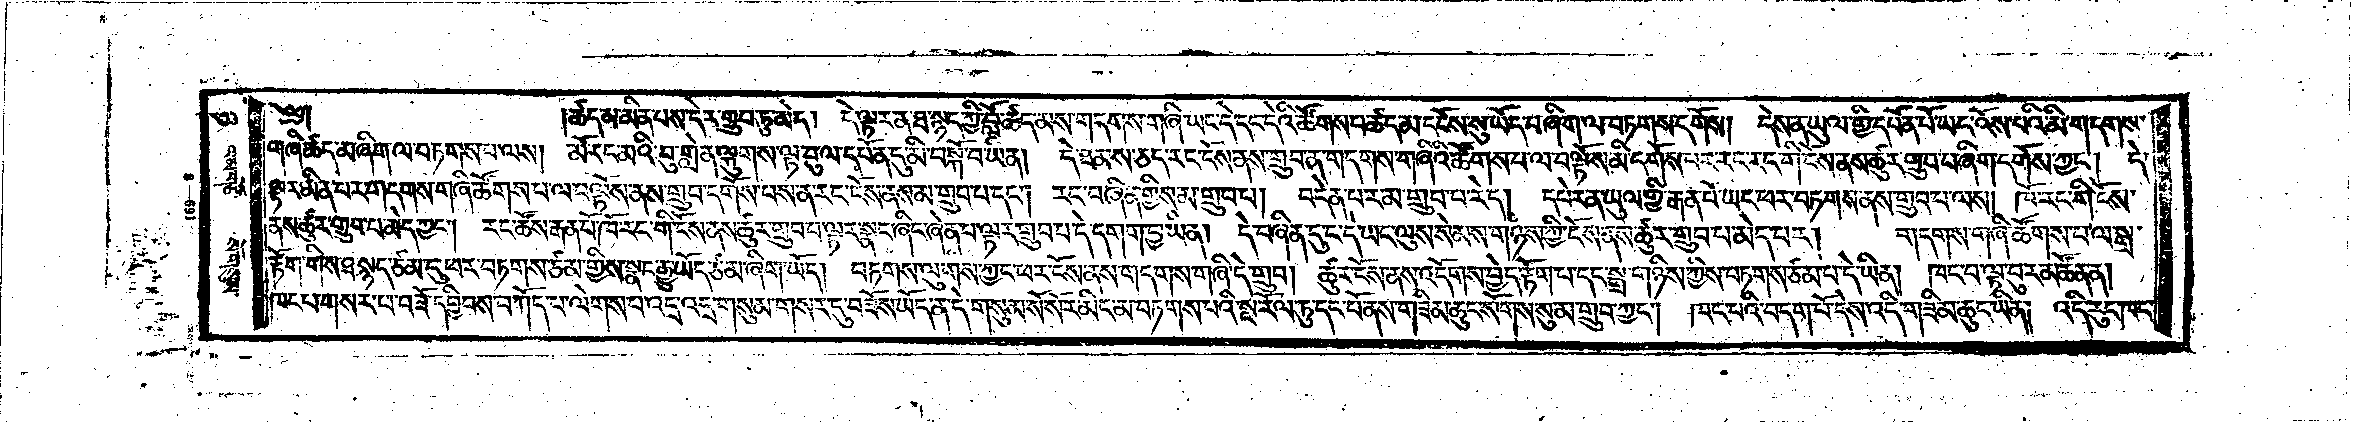༄༅། །ཚད་མ་མིན་པས་དེར་གྲུབ་ཏུ་མེད། དེ་ལྟར་ན་ཐ་སྙད་ཀྱི་བློ་ཚད་མས་གདགས་གཞི་ཡང་དེ་དང་དེའི་ཚོགས་པ་ཚད་མ་དངོས་སུ་ཡོད་པ་ཞིག་ལ་བཏགས་དགོས། དེས་ན་ཡུལ་གྱི་དཔོན་པོ་ཡང་འོས་པའི་མི་གདགས་
གཞི་ཚད་མ་ཞིག་ལ་བཏགས་པ་ལས། མོ་རང་མའི་བུ་གླེན་ལྐུགས་ལྟ་བུ་ལ་དཔོན་དུ་མི་བསྐོ་བ་ཡིན། དེ་ཐམས་ཅད་རང་ངོས་ནས་གྲུབ་ན་གདགས་གཞིའི་ཚོགས་པ་ལ་བལྟོས་མི་དགོས་པར་རང་རང་གི་ངོས་ནས་ཚུར་གྲུབ་པ་ཞིག་དགོས་ཀྱང་། དེ་
ལྟར་མིན་པར་གདགས་གཞི་ཚོགས་པ་ལ་བལྟོས་ནས་གྲུབ་དགོས་པས་ན་རང་ངོས་ནས་མ་གྲུབ་པ་དང་། རང་བཞིན་གྱིས་མ་གྲུབ་པ། བདེན་པར་མ་གྲུབ་པ་རེད། དཔེར་ན་ཡུལ་གྱི་རྒན་པོ་ཡང་ཕར་བཏགས་ནས་གྲུབ་པ་ལས། ཁོ་རང་གི་ངོས་
ནས་ཚུར་གྲུབ་པ་མེད་ཀྱང་། རང་ཚོས་རྒན་པོ་ཁོ་རང་གི་ངོས་ནས་ཚུར་གྲུབ་པ་ལྟར་སྣང་ཞིང་ཞེན་པ་ལྟར་གྲུབ་པ་དེ་དགག་བྱ་ཡིན། དེ་བཞིན་དུ་ང་དེ་ཡང་ལུས་སེམས་གཉིས་ཀྱི་ངོས་ནས་ཚུར་གྲུབ་པ་མེད་པར། གདགས་གཞི་ཚོགས་པ་ལ་སྒྲ་
རྟོག་གིས་ཐ་སྙད་ཙམ་དུ་ཕར་བཏགས་ཙམ་གྱིས་སྣང་རྒྱུ་ཡོད་ཙམ་ཞིག་ཡོད། བཏགས་ལུགས་ཀྱང་ཕར་ངོས་ནས་གདགས་གཞི་དེ་གྲུབ། ཚུར་ངོས་ནས་འདོགས་བྱེད་རྟོག་པ་དང་སྒྲ་གཉིས་ཀྱིས་བཏགས་ཙམ་པ་དེ་ཡིན། ཁང་པ་ལྟ་བུར་མཚོན་ན།
ཁང་པ་གསར་པ་བཟོ་དབྱིབས་བཀོད་པ་ལེགས་པ་འདྲ་འདྲ་གསུམ་གསར་དུ་བཟོས་ཡོད་ན་དེ་གསུམ་སོ་སོར་མིང་མ་བཏགས་པའི་སྔ་རོལ་ཏུ་དང་པོ་ནས་གཟིམ་ཆུང་སོགས་སུ་མ་གྲུབ་ཀྱང་། ཁང་པའི་བདག་པོ་དེས་འདི་གཟིམ་ཆུང་ཡིན། འདི་རུང་ཁང་